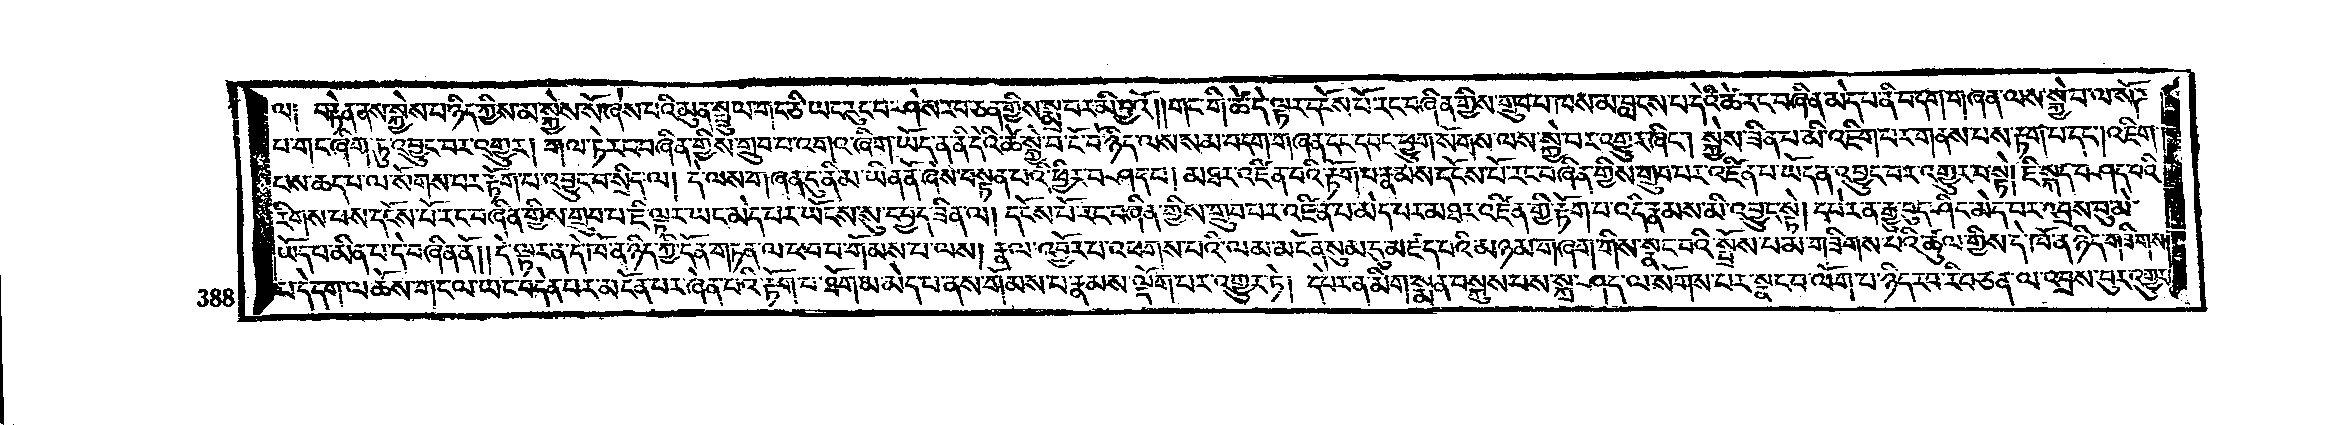ལ། བརྟེན་ནས་སྐྱེས་པ་ཉིད་ཀྱིས་མ་སྐྱེས་སོ་ཞེས་པའི་མུན་སྤྲུལ་གང་ཅི་ཡང་རུང་བ་ཤེས་རབ་ཅན་གྱིས་སྨྲ་བར་མི་བྱའོ། །གང་གི་ཚེ་དེ་ལྟར་དངོས་པོ་རང་བཞིན་གྱིས་གྲུབ་པ་ཁས་མ་བླངས་པ་དེའི་ཚེ་རང་བཞིན་མེད་པ་ནི་བདག་གཞན་ལས་སྐྱེ་བ་ལ་སོགས་
པ་གང་ཞིག་ཏུ་འབྱུང་བར་འགྱུར། གལ་ཏེ་རང་བཞིན་གྱིས་གྲུབ་པ་འགའ་ཞིག་ཡོད་ན་ནི་དེའི་ཚེ་སྐྱེ་བ་ངོ་བོ་ཉིད་ལས་སམ་བདག་གཞན་དང་དབང་ཕྱུག་སོགས་ལས་སྐྱེ་བར་འགྱུར་ཞིང་། སྐྱེས་ཟིན་པ་མི་འཇིག་པར་གནས་པས་རྟག་པ་དང་། འཇིག་
པས་ཆད་པ་ལ་སོགས་པར་རྟོག་པ་འབྱུང་བ་སྲིད་ལ། དེ་ལས་གཞན་དུ་ནི་མ་ཡིན་ནོ་ཞེས་བསྟན་པའི་ཕྱིར་བཤད་པ། མཐར་འཛིན་པའི་རྟོག་པ་རྣམས་དངོས་པོ་རང་བཞིན་གྱིས་གྲུབ་པར་འཛིན་པ་ཡོད་ན་འབྱུང་བར་འགྱུར་བ་སྟེ། ཇི་སྐད་བཤད་པའི་
རིགས་པས་དངོས་པོ་རང་བཞིན་གྱིས་གྲུབ་པ་ཇི་ལྟར་ཡང་མེད་པར་ཡོངས་སུ་དཔྱད་ཟིན་ལ། དངོས་པོ་རང་བཞིན་གྱིས་གྲུབ་པར་འཛིན་པ་མེད་པར་མཐར་འཛིན་གྱི་རྟོག་པ་འདི་རྣམས་མི་འབྱུང་སྟེ། དཔེར་ན་རྒྱུ་བུད་ཤིང་མེད་པར་འབྲས་བུ་མེ་
ཡོད་པ་མིན་པ་དེ་བཞིན་ནོ། །དེ་ལྟར་ན་དེ་ཁོ་ན་ཉིད་ཀྱི་དོན་གཏན་ལ་ཕབ་པ་གོམས་པ་ལས། རྣལ་འབྱོར་པ་འཕགས་པའི་ལམ་མངོན་སུམ་དུ་མཛད་པའི་མཉམ་གཞག་གིས་སྣང་བའི་སྤྲོས་པ་མ་གཟིགས་པའི་ཚུལ་གྱིས་དེ་ཁོ་ན་ཉིད་གཟིགས་
པ་དེ་དག་ལ་ཆོས་གང་ལ་ཡང་བདེན་པར་མངོན་པར་ཞེན་པའི་རྟོག་པ་ཐོག་མ་མེད་པ་ནས་གོམས་པ་རྣམས་ལྡོག་པར་འགྱུར་ཏེ། དཔེར་ན་མིག་སྨན་བསྐུས་པས་སྐྲ་ཤད་ལ་སོགས་པར་སྣང་བ་ལོག་པ་ཉིད་རབ་རིབ་ཅན་ལ་འབྲས་བུར་འགྱུར་